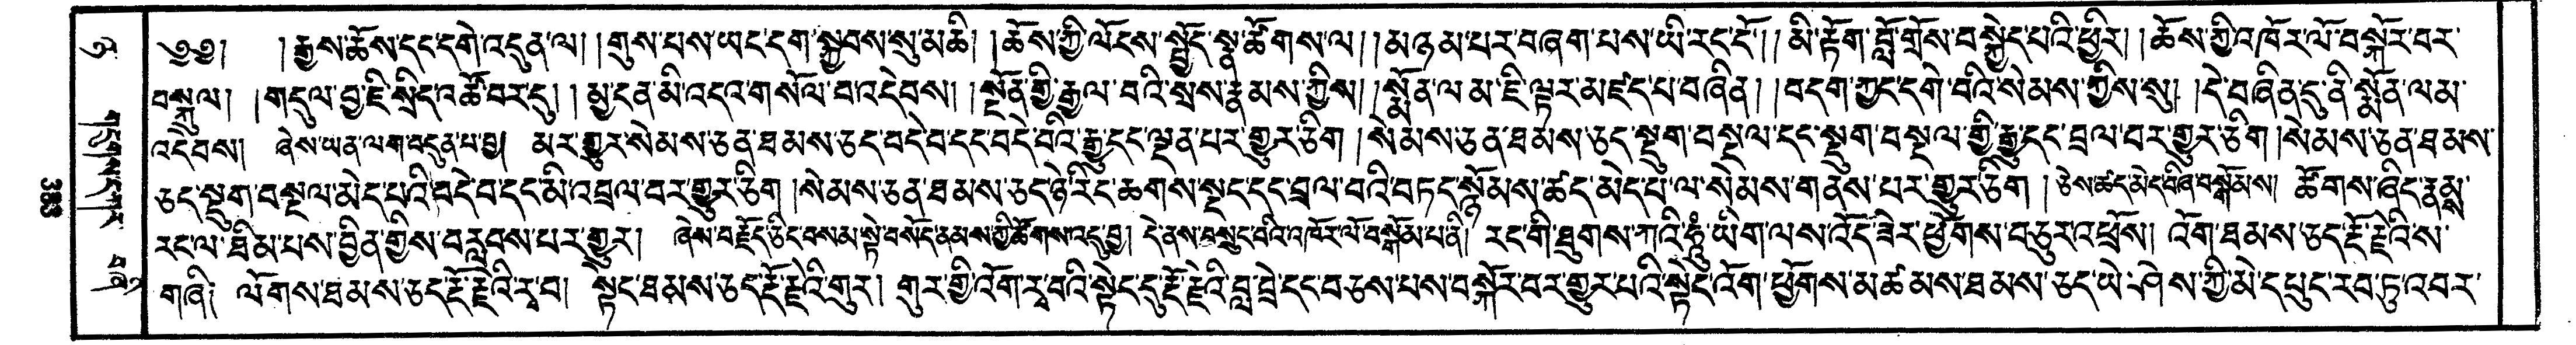༄༅། །རྒྱས་ཆོས་དང་དགེ་འདུན་ལ། །གུས་པས་ཡང་དག་སྐྱབས་སུ་མཆི། །ཆོས་ཀྱི་ལོངས་སྤྱོད་སྣ་ཚོགས་ལ། །མཉམ་པར་བཞག་པས་ཡི་རང་ངོ། །མི་རྟོག་བློ་གྲོས་བསྐྱེད་པའི་ཕྱིར། །ཆོས་ཀྱི་འཁོར་ལོ་བསྐོར་བར་
བསྐུལ། །གདུལ་བྱ་ཇི་སྲིད་འཚོ་བར་དུ། །མྱ་ངན་མི་འདའ་གསོལ་བ་འདེབས། །སྔོན་གྱི་རྒྱལ་བའི་སྲས་རྣམས་ཀྱིས། །སྨོན་ལམ་ཇི་ལྟར་མཛད་པ་བཞིན། །བདག་ཀྱང་དགེ་བའི་སེམས་ཀྱིས་སུ། །དེ་བཞིན་དུ་ནི་སྨོན་ལམ་
འདེབས། ཞེས་ཡན་ལག་བདུན་པ་བྱ། མར་གྱུར་སེམས་ཅན་ཐམས་ཅད་བདེ་བ་དང་བདེ་བའི་རྒྱུ་དང་ལྡན་པར་གྱུར་ཅིག། སེམས་ཅན་ཐམས་ཅད་སྡུག་བསྔལ་དང་སྡུག་བསྔལ་གྱི་རྒྱུ་དང་བྲལ་བར་གྱུར་ཅིག། སེམས་ཅན་ཐམས་
ཅད་སྡུག་བསྔལ་མེད་པའི་བདེ་བ་དང་མི་འབྲལ་བར་གྱུར་ཅིག །སེམས་ཅན་ཐམས་ཅད་ཉེ་རིང་ཆགས་སྡང་དང་བྲལ་བའི་བཏང་སྙོམས་ཚད་མེད་པ་ལ་སེམས་གནས་པར་གྱུར་ཅིག །ཅས་ཚད་མེད་བཞི་བསྒོམས། ཚོགས་ཞིང་རྣམས་
རང་ལ་ཐིམ་པས་བྱིན་གྱིས་བརླབས་པར་གྱུར། ཞེས་བརྗོད་ཅིང་བསམ་སྟེ་བསོད་ནམས་ཀྱི་ཚོགས་འདུ་བྱ། དེ་ནས་བསྲུང་བའི་འཁོར་ལོ་བསྒོམ་པ་ནི། རང་གི་ཐུགས་ཀའི་ཧཱུཾ་ཡིག་ལས་འོད་ཟེར་ཕྱོགས་བཅུར་འཕྲོས། འོག་ཐམས་ཅད་རྡོ་རྗེའི་ས་
གཞི༑ ལོགས་ཐམས་ཅད་རྡོ་རྗེའི་རྭ་བ། སྟེང་ཐམས་ཅད་རྡོ་རྗེའི་གུར། གུར་གྱི་འོག་རྭ་བའི་སྟེང་དུ་རྡོ་རྗེའི་བླ་བྲེ་དང་བཅས་པས་བསྐོར་བར་གྱུར་པའི་སྟེང་འོག་ཕྱོགས་མཚམས་ཐམས་ཅད་ཡེ་ཤེས་ཀྱི་མེ་དཔུང་རབ་ཏུ་འབར་